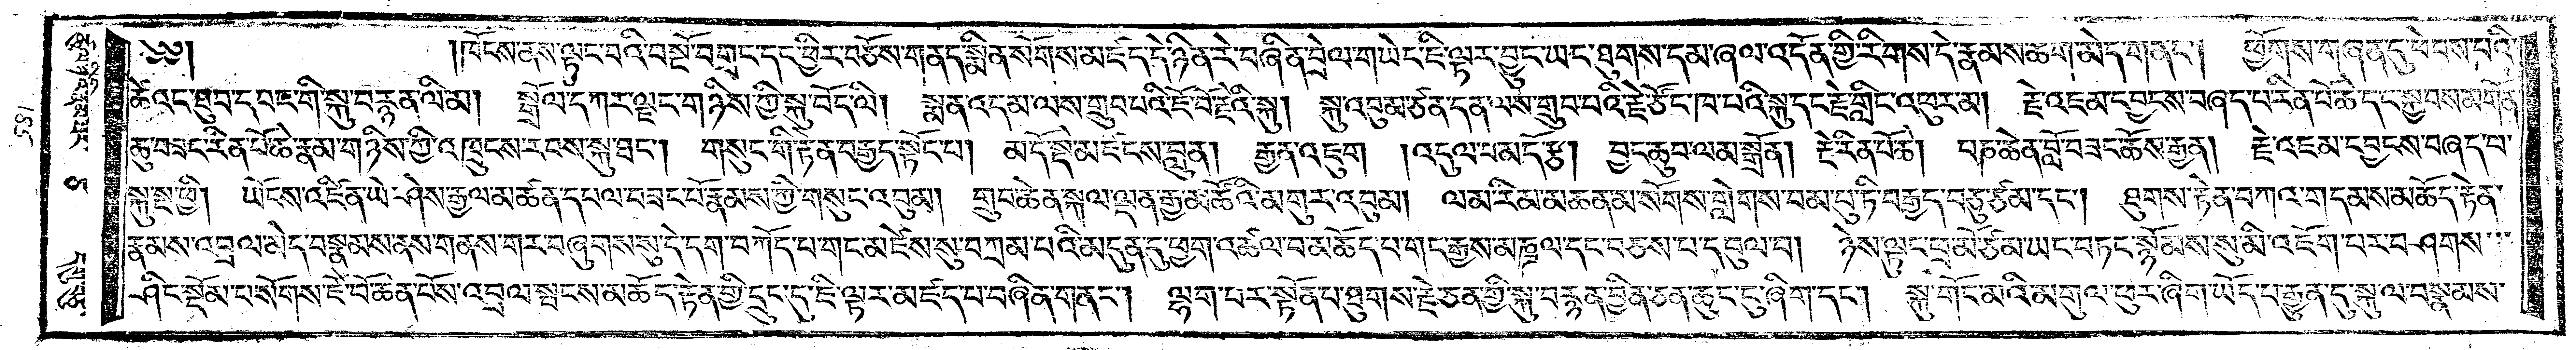༄༅། །ཁོངས་ནས་ལྟུང་བའི་བསྔོ་བགྲང་དང་ཕྱིར་བཅོས་གནད་སྨིན་སོགས་མཛད་དེ་ཉིན་རེ་བཞིན་བྲེལ་གཡེང་ཇི་ལྟར་བྱུང་ཡང་ཐུགས་དམ་ཞལ་འདོན་གྱི་རིགས་དེ་རྣམས་ཆག་མེད་གནང་། ཕྱོགས་གཞན་དུ་ཕེབས་བའི་
ཚེའང་ཐུབ་དབང་གི་སྐུ་བརྙན་ལི་མ། སྒྲོལ་དཀར་ལྗང་གཉིས་ཀྱི་སྐུ་བོད་ལི། སྨན་འདམ་ལས་གྲུབ་པའི་ཇོ་བོ་རྗེའི་སྐུ། སྐུ་འབུམ་ཙན་དན་ལས་གྲུབ་བའི་རྗེ་ཙོང་ཁ་པའི་སྐུ་དང་རྗེ་གླིང་འཕུར་མ། རྗེ་འཇམ་དབྱངས་བཞད་པ་རིན་པོ་ཆེ་དང་སྐྱབས་མགོན་
ཆུ་བཟང་རིན་པོ་ཆེ་རྣམ་གཉིས་ཀྱི་འཁྲུངས་རབས་སྐུ་ཐང་། གསུང་གི་རྟེན་བརྒྱད་སྟོང་པ། མདོ་སྡེ་མཛངས་བླུན། རྒྱན་འཇུག །འདུལ་བ་མདོ་རྩ། བྱང་ཆུབ་ལམ་སྒྲོན། རྗེ་རིན་པོ་ཆེ། པཎ་ཆེན་བློ་བཟང་ཆོས་རྒྱན། རྗེ་འཇམ་དབྱངས་བཞད་པ་
སྐུ་སྔ་ཕྱི། ཡོངས་འཛིན་ཡེ་ཤེས་རྒྱལ་མཚན་དཔལ་བཟང་པོ་རྣམས་ཀྱི་གསུང་འབུམ། གྲུབ་ཆེན་སྐལ་ལྡན་རྒྱ་མཚོའི་མགུར་འབུམ། ལམ་རིམ་མཆན་མ་སོགས་གླེགས་བམ་པུ་རི་བརྒྱད་བཅུ་ཙམ་དང་། ཐུགས་རྟེན་བཀའ་གདམས་མཆོད་རྟེན་
རྣམས་འབྲལ་མེད་བསྣམས་ནས་གནས་གར་བཞུགས་སུ་དེ་དག་བཀོད་པ་གང་མཛེས་སུ་བཀྲམ་པའི་མདུན་དུ་ཕྱག་འཚལ་བ་མཆོད་པ་གང་རྒྱས་མཎྜལ་དང་བཅས་པ་དབུལ་བ། ཉེས་ལྟུང་ཕྲ་མོ་ཙམ་ཡང་བཏང་སྙོམས་སུ་མི་འཇོག་པར་བཤགས་
ཤིང་སྔོམ་པ་སོགས་ཇོ་བོ་ཆེན་པོས་འབྲལ་སྤངས་མཆོད་རྟེན་གྱི་དྲུང་དུ་ཇི་ལྟར་མཛད་པ་བཞིན་གནང་། ལྷག་པར་སྟོན་པ་ཐུགས་རྗེ་ཅན་གྱི་སྐུ་བརྙན་བྱིན་ཅན་ཆུང་ངུ་ཞིག་དང་། སྐུ་གོང་མའི་མགུལ་ཕུར་ཞིག་ཡོད་པ་རྒྱུན་དུ་སྐུ་ལ་བསྣམས་